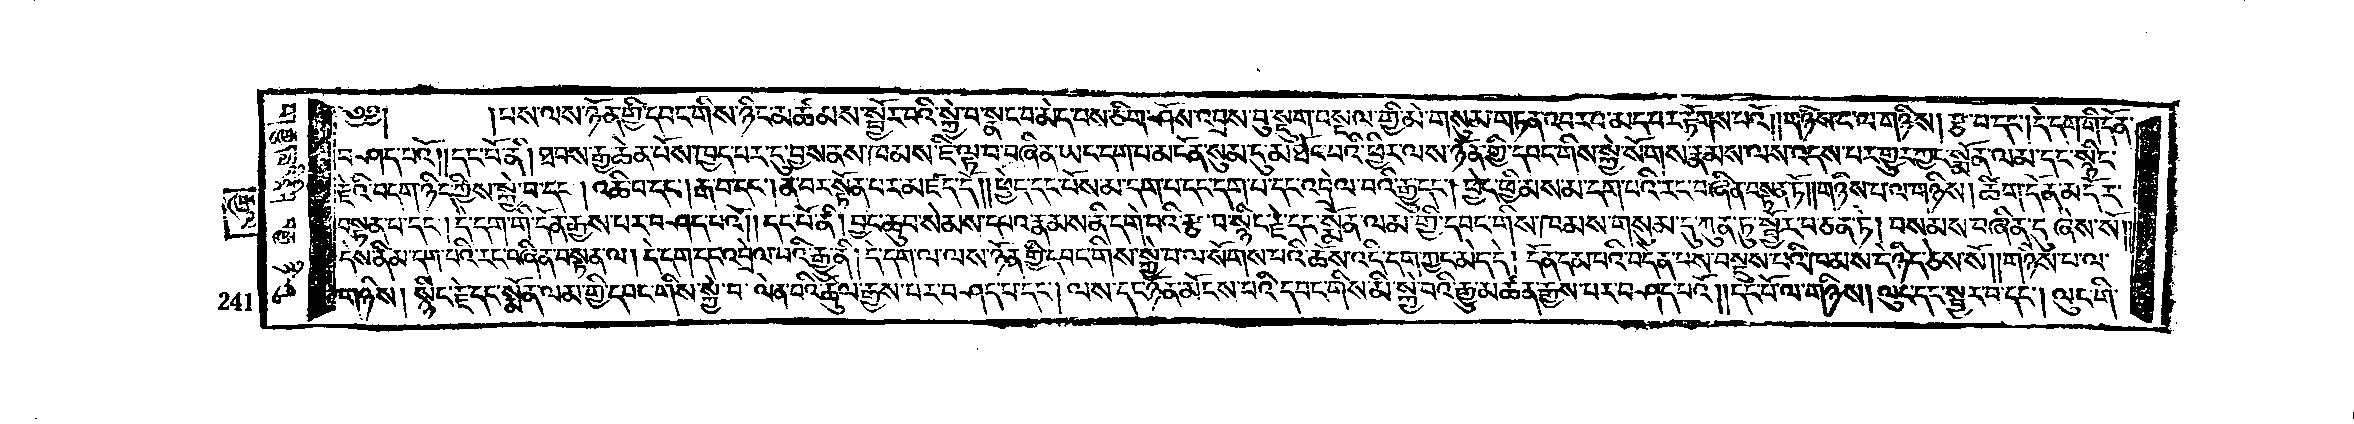༄༅། །པས་ལས་ཉོན་གྱི་དབང་གིས་ཉིང་མཚམས་སྦྱོར་བའི་སྐྱེ་བ་སྣང་བ་མེད་པས་ཅིག་ཤོས་འབྲས་བུ་སྡུག་བསྔལ་གྱི་མེ་གསུམ་གཏན་འབར་བ་མེད་པར་རྟོགས་པའོ། །གཉིས་པ་ལ་གཉིས། རྩ་བ་དང་། དེ་དག་གི་དོན་
བཤད་པའོ། །དང་པོ་ནི། ཐབས་རྒྱ་ཆེན་པོས་ཁྱད་པར་དུ་བྱས་ནས་ཁམས་ཇི་ལྟ་བ་བཞིན་ཡང་དག་པ་མངོན་སུམ་དུ་མཐོང་བའི་ཕྱིར་ལས་ཉོན་གྱི་དབང་གིས་སྐྱེ་སོགས་རྣམས་ལས་འདས་པར་གྱུར་ཀྱང་སྨོན་ལམ་དང་སྙིང་
རྗེའི་བདག་ཉིད་ཀྱིས་སྐྱེ་བ་དང་། འཆི་བ་དང་། རྒ་བ་དང་། ན་བར་སྟོན་པར་མཛད་དོ། །ཕྱེད་དང་པོས་མ་དག་པ་དང་དག་པ་དང་འབྲེལ་པའི་རྒྱུ་དང་། ཕྱེད་ཕྱི་མས་མ་དག་པའི་རང་བཞིན་བསྟན་ཏོ། །གཉིས་པ་ལ་གཉིས། ཚིག་དོན་མདོར་
བསྟན་པ་དང་། དེ་དག་གི་དོན་རྒྱས་པར་བཤད་པའོ། །དང་པོ་ནི། བྱང་ཆུབ་སེམས་དཔའ་རྣམས་ནི་དགེ་བའི་རྩ་བ་སྙིང་རྗེ་དང་སྨོན་ལམ་གྱི་དབང་གིས་ཁམས་གསུམ་དུ་ཀུན་ཏུ་སྦྱོར་བ་ཅན་ཏེ། བསམས་བཞིན་དུ་ཞེས་སོ། །
དེས་ནི་མ་དག་པའི་རང་བཞིན་བསྟན་ལ། དེ་དག་དང་འབྲེལ་པའི་རྒྱུ་ནི། དེ་དག་ལ་ལས་ཉོན་གྱི་དབང་གིས་སྐྱེ་བ་ལ་སོགས་པའི་ཆོས་འདི་དག་ཀྱང་མེད་དེ། དོན་དམ་པའི་བདེན་པས་བསྡུས་པའི་ཁམས་དེ་ཉིད་ཅེས་སོ། །གཉིས་པ་ལ་
གཉིས༑ སྙིང་རྗེ་དང་སྨོན་ལམ་གྱི་དབང་གིས་སྐྱེ་བ་ལེན་པའི་ཚུལ་རྒྱས་པར་བཤད་པ་དང་། ལས་དང་ཉོན་མོངས་པའི་དབང་གིས་མི་སྐྱེ་བའི་རྒྱུ་མཚན་རྒྱས་པར་བཤད་པའོ། །དང་པོ་ལ་གཉིས། ལུང་དང་སྦྱར་བ་དང་། ལུང་གི་